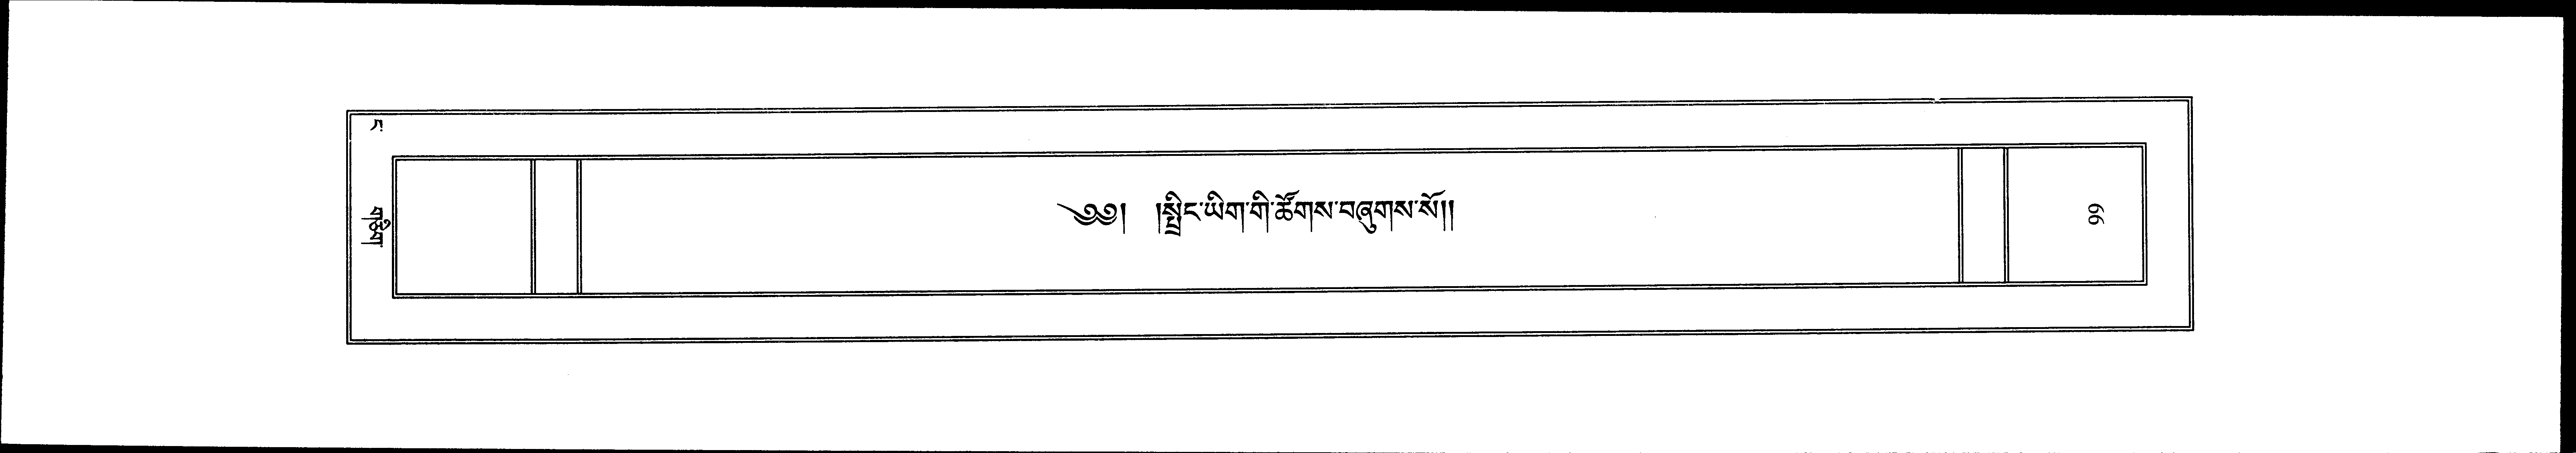༄༅། །སྤྲིང་ཡིག་གི་ཚོགས་བཞུགས་སོ།།